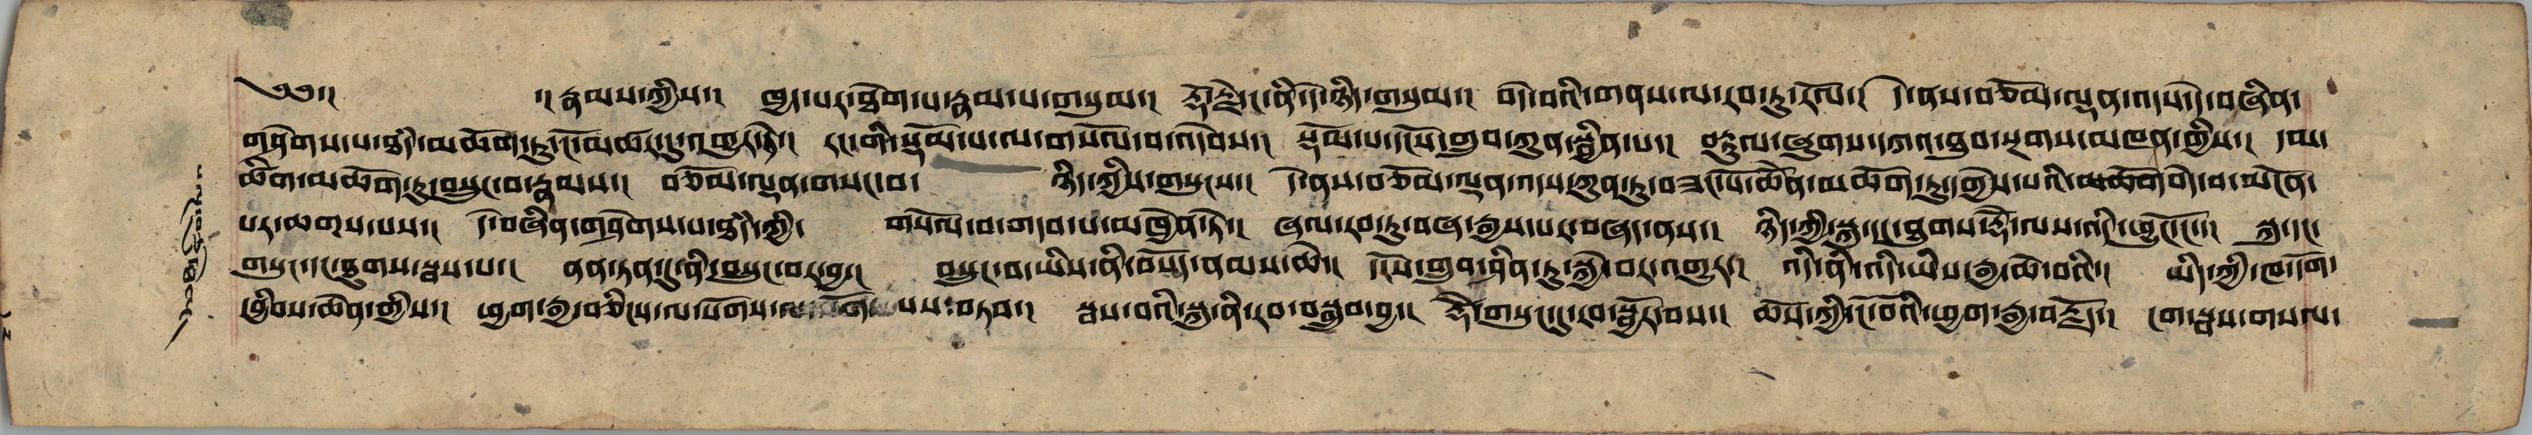༄༅་། ་།རྣམས་ཀྱིས་། ཁྱད་པར་ཐེག་པ་རྣམ་པ་གསུམ་། རྡོ་རྗེ་ང་ནི་དེ་ཉིད་གསུམ་། བདེ་བའི་གནས་ལ་རབ་ཏུ་རོལ་། དེ་ནས་བཅོམ་ལྡན་འདས་དེ་བཞིན་
གཤེགས་པ་ཐདཾ་མཆོག་ཏུ་ངོ་མཚར་དུ་འགྱུར་ཏེ་། རང་གི་སྡོམ་པ་ལ་གསོལ་བ་འདེབས་། སྡོམ་པ་དངོས་གྲུབ་ཀུན་སྦྱིན་པ་། བརྟུལ་ཞུགས་དཀའ་ཐུབ་སྔགས་མཁན་གྱིས་། དམ་
ཚིག་མཆོག་ཏུ་བསྲུང་བ་རྣམས་། བཅོམ་ལྡན་གསང་བ་ ཉིད་ཀྱིས་གསུངས་། དེ་ནས་བཅོམ་ལྡན་འདས་ཀུན་ཏུ་བཟང་པོ་ཆེནོ་མཆོག་ཏུ་དགྱེས་པའི་མཆོག་བདེ་བ་མངོན་
པར་ཆགས་པས་། དེ་བཞིན་གཤེགས་པ་ཐདཾ་ཀྱི་ གསོལ་བ་གདབ་པ་མཁྱེན་ཏེ་། ཞལ་རབ་ཏུ་བཞ་རྒྱས་པར་བཞད་ནས་། ཉིད་ཀྱི་སྐུ་དང་ཐུགས་རྡོེ་ལས་འདི་ཕྱུང་ངོ་་། སྐུ་དང་
གསུང་དང་ཐུགས་སྦས་པ་། ནན་ཏན་དུ་ནི་བསྲུང་བར་བྱ་། བསྲུང་བ་ཡིས་ནི་བསོད་ནམས་ཆེ་། དངོས་གྲུབ་ཤིན་ཏུ་སྐྱེ་བར་འགྱུར་། འདི་ནི་འདི་ཡིས་རྒྱ་ཆེ་བའི་། ཡིད་ཀྱི་ཁ་དོག་
དབྱིབས་ཆེན་གྱིས་། ཕྱག་རྒྱ་བཅིངས་ལ་སོགས་ལ་སོགས་པས་བཏབ་། སྦས་བའིསྐུ་ནི་རབ་བསྒྲུབ་བྱ་། རྡོེ་གསུང་དུ་རབ་སྦྱོར་བས་། ཆོས་ཀྱི་ངོ་བོའི་ཕྱག་རྒྱ་བརྗོད་། ངག་སྦས་གསལ་